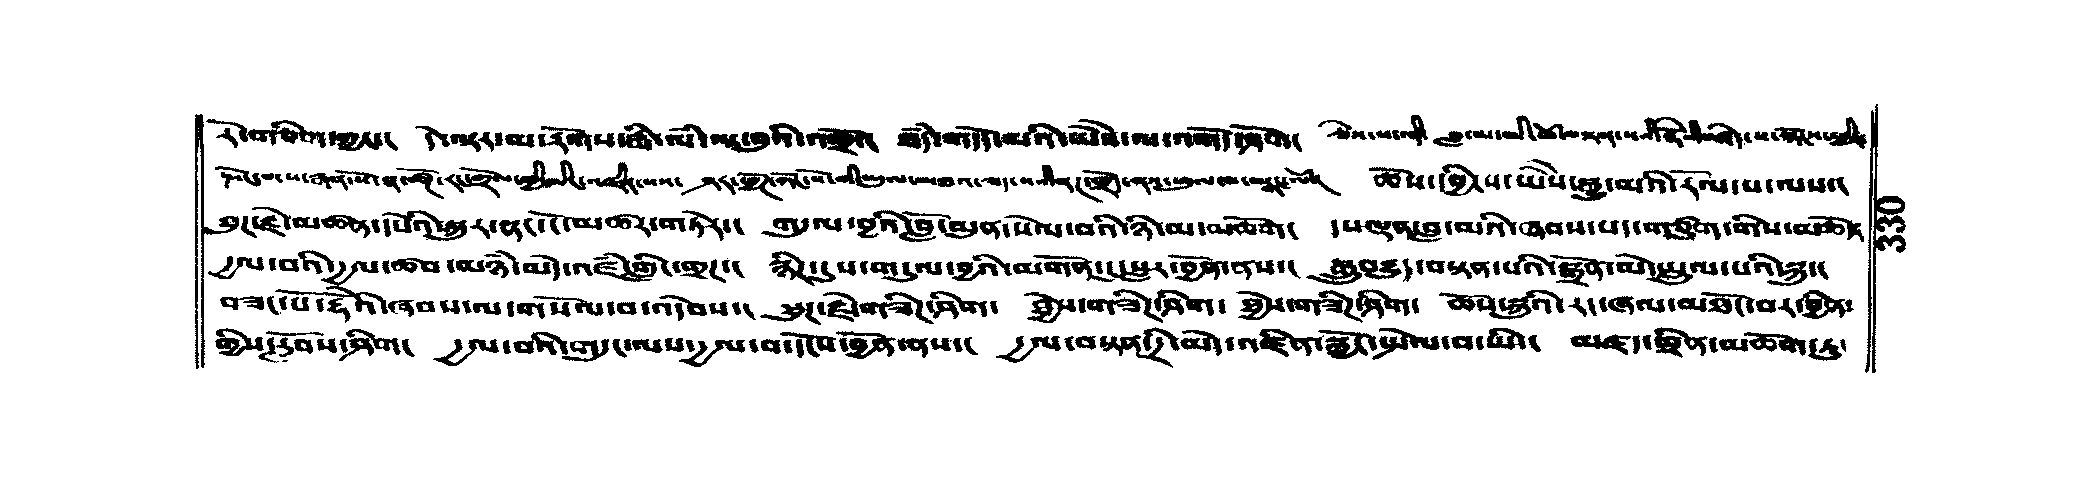རོ་གཅིག་ཀྱང་། །དེ་ལྟར་མ་རྟོགས་རྨི་ལམ་ལྟ་བུའི་འགྲོ། །ཐམས་ཅད་གདོད་མའི་ཡེ་ཤེས་ལ་འགོད་ཤོག ཅེས་པ་འདི་བླ་མ་མི་ཕམ་བསྟན་པའི་་རྡོ་རྗེའི་བཞེད་པ་སྐོངས་ཕྱིར་
སྤོང་བ་པ་རྒན་པོ་སྣ་ཚོགས་རང་གྲོལ་གྱི་མིང་འཛིན་པས། ཤར་ཕྱོགས་ཀོང་པོའི་ཡུལ་མཐའ་ཟད་པའི་ནགས་ཁྲོད་ནས་ཕུལ་བ་མངྒ་ལཾ། ཆོས་དབྱིངས་ཡེ་ཤེས་སྒྱུ་མའི་རོལ་པ་ལས། །
ཐུགས་རྗེ་མཚན་དཔེའི་སྐུར་སྣང་ངོ་མཚར་གཏེར། །གདུལ་བྱའི་བློ་མུན་སེལ་བའི་ཉི་མ་མཆོག །དཔལ་ལྡན་བླ་མའི་ཞབས་པད་གཅུག་གིས་མཆོད། །
རྒྱལ་བའི་རྒྱལ་ཚབ་མཉམ་མེད་འཛམ་གླིང་གྲགས། །སྙིགས་དུས་གདུལ་བྱའི་མགོན་དུ་སླར་བྱོན་ནས། །སྒྲུབ་བརྒྱུད་བསྟན་པའི་སྒྲོན་མེ་སྤྲུལ་པའི་སྐུ། །
བཟང་པོ་རྡོ་རྗེའི་ཞབས་ལ་གསོལ་བ་འདེབས། །ཐུགས་རྗེས་གཟིགས་ཤིགཐུགས་རྗེས་གཟིགས་ཤིག ཐུགས་རྗེས་གཟིགས་ཤིག ཆོས་སྐུའི་རང་ཞལ་མཐོང་བར་བྱིན་
གྱིས་རློབས་ཤིག །རྒྱལ་བའི་གདུང་ལས་རྒྱལ་བ་དངོས་བྱོན་ནས། །རྒྱལ་བསྟན་དྲི་མེད་འཛིན་སྐྱོང་སྤེལ་བ་ཡི། །མཛད་ཕྲིན་མཆོག་ཏུ་